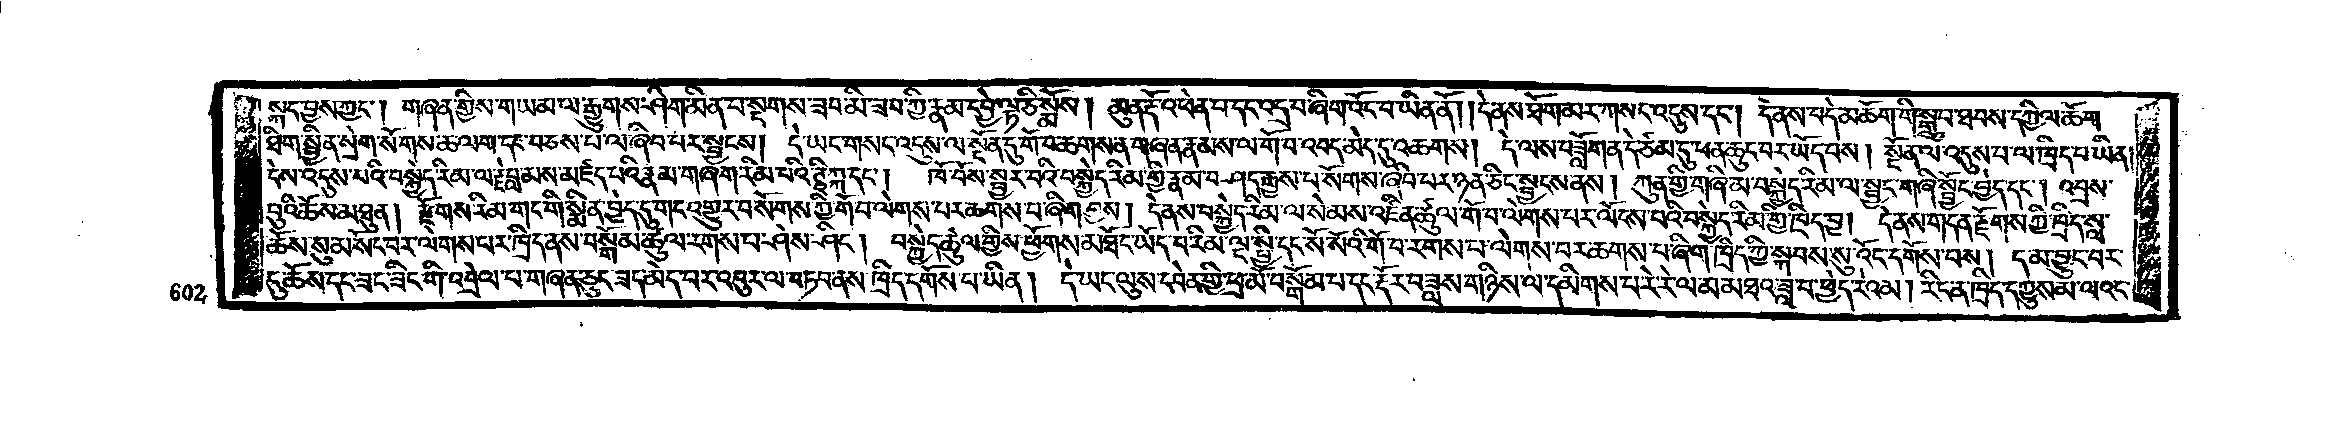སྐད་བྱས་ཀྱང་། གཞན་གྱིས་གཡམ་ལ་རྒྱུགས་ཤིག་མིན་པ་སྔགས་ཟབ་མི་ཟབ་ཀྱི་རྣམ་དབྱེ་ལྟ་ཅི་སྨོས། མུན་རྡོ་འཕེན་པ་དང་འདྲ་བ་ཞིག་འོང་བ་ཡིན་ནོ། །དེ་ནས་ཐོག་མར་གསང་འདུས་དང་། དེ་ནས་བདེ་མཆོག་གི་སྒྲུབ་ཐབས་དཀྱིལ་ཆོག་
ཐིག་སྦྱིན་སྲེག་སོགས་ཆ་ལག་དང་བཅས་པ་ལ་ཞིབ་པར་སྦྱངས། དེ་ཡང་གསང་འདུས་ལ་སྔོན་དུ་གོ་བ་ཆགས་ན་གཞན་རྣམས་ལ་གོ་བ་འབད་མེད་དུ་འཆགས། དེ་ལས་བཟློག་ན་དེ་ཙམ་དུ་ཕན་ཆུང་བར་ཡོད་པས། སྔོན་ལ་འདུས་པ་ལ་ཁྲིད་པ་ཡིན།
དེས་འདུས་པའི་བསྐྱེད་རིམ་ལ་རྗེ་བླ་མས་མཛད་པའི་རྣམ་གཞག་རིམ་པའི་ཊཱིཀྐ་དང་། ཁོ་བོས་སྦྱར་བའི་བསྐྱེད་རིམ་གྱི་རྣམ་བཤད་རྒྱས་པ་སོགས་ཞིབ་པར་ཉན་ཅིང་སྦྱངས་ནས། ཀུན་གྱི་གཞི་མ་བསྐྱེད་རིམ་ལ་སྦྱང་གཞི་སྦྱོང་བྱེད་དང་། འབྲས་
བུའི་ཆོས་མཐུན། རྫོགས་རིམ་གང་གི་སྨིན་བྱེད་དུ་གང་འགྱུར་བ་སོགས་ཀྱི་གོ་བ་ལེགས་པར་ཆགས་པ་ཞིག་བྱས། དེ་ནས་བསྐྱེད་རིམ་ལ་སེམས་འཛིན་ཚུལ་གོ་བ་ལེགས་པར་ལོངས་པའི་བསྐྱེད་རིམ་གྱི་ཁྲིད་བྱ། དེ་ནས་གདན་རྫོགས་ཀྱི་ཁྲིད་སླ་
ཆོས་སུ་མ་སོང་བར་ལེགས་པར་ཁྲིད་ནས་བསྒོམ་ཚུལ་རགས་པ་ཤེས་ཤིང་། བསྐྱེད་ཚུལ་གྱིས་ཕྱོགས་མཐོང་ཡོད་པ་རིམ་ལྔ་སྤྱི་དང་སོ་སོའི་གོ་བ་རགས་པ་ལེགས་པར་ཆགས་པ་ཞིག་ཁྲིད་ཀྱི་སྐབས་སུ་འོང་དགོས་པས། ད་མ་བྱུང་བར་
དུ་ཆོས་དང་ཟང་ཟིང་གི་འབྲེལ་པ་གཞན་ཅུང་ཟད་མེད་པར་འབུར་ལ་བཏབ་ནས་ཁྲིད་དགོས་པ་ཡིན། དེ་ཡང་ལུས་དབེན་གྱི་ཕྲ་མོ་བསྒོམ་པ་དང་རྡོར་བཟླས་གཉིས་ལ་དམིགས་པ་རེ་རེ་ལ་མ་མཐའ་ཟླ་བ་ཕྱེད་རེའམ། རིང་ན་ཁྲིད་དཀྱུས་མ་ལའང་